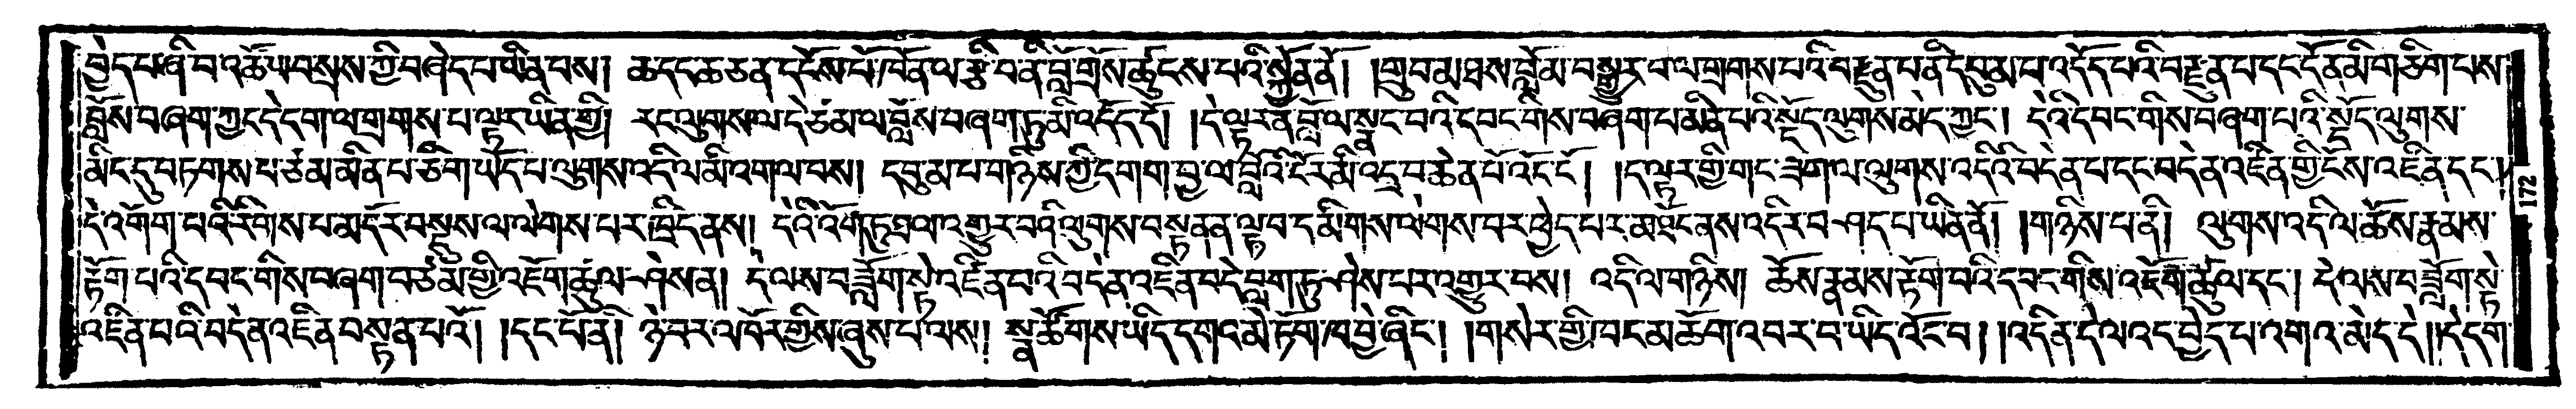བྱེད་པ་ཞི་བ་འཚོ་ཡབ་སྲས་ཀྱི་བཞེད་པ་ཡིན་པས། ཆ་དང་ཆ་ཅན་དངོས་པོ་ཁོ་ན་ལ་རྩི་བ་ནི་བློ་གྲོས་ཆུངས་པའི་སྐྱོན་ནོ། །གྲུབ་མཐས་བློ་མ་བསྒྱུར་བ་ལ་གྲགས་པའི་བརྫུན་པ་ནི་དབུ་མ་པ་འདོད་པའི་བརྫུན་པ་དང་དོན་མི་གཅིག་པས་
བློས་བཞག་ཀྱང་དེ་དག་ལ་གྲགས་པ་ལྟར་ཡིན་གྱི། རང་ལུགས་ལ་དེ་ཙམ་ལ་བློས་བཞག་ཏུ་མི་འདོད་དོ། །དེ་ལྟར་ན་བློ་ལ་སྣང་བའི་དབང་གིས་བཞག་པ་མིན་པའི་སྡོད་ལུགས་མེད་ཀྱང་། དེའི་དབང་གིས་བཞག་པའི་སྡོད་ལུགས་
མིང་དུ་བཏགས་པ་ཙམ་མིན་པ་ཅིག་ཡོད་པ་ལུགས་འདི་ལ་མི་འགལ་བས། དབུ་མ་པ་གཉིས་ཀྱི་དགག་བྱ་ལ་བློའི་ངོར་མི་འདྲ་བ་ཆེན་པོ་འོང་ངོ། །དེ་ལྟར་གྱི་གང་ཟག་ལ་ལུགས་འདིའི་བདེན་པ་དང་བདེན་འཛིན་གྱི་ངོས་འཛིན་དང་།
དེ་འགོག་པའི་རིགས་པ་མདོར་བསྡུས་ལ་ལེགས་པར་ཁྲིད་ནས། དེའི་འོག་ཏུ་ཐལ་འགྱུར་བའི་ལུགས་བསྟན་ན་ལྟ་བ་དམིགས་ལེགས་པར་ཕྱེད་པར་མཐོང་ནས་འདིར་བཤད་པ་ཡིན་ནོ། །གཉིས་པ་ནི། ལུགས་འདི་ལ་ཆོས་རྣམས་
རྟོག་པའི་དབང་གིས་བཞག་པ་ཙམ་གྱི་འཇོག་ཚུལ་ཤེས་ན། དེ་ལས་བཟློག་སྟེ་འཛིན་པའི་བདེན་འཛིན་བདེ་བླག་ཏུ་ཤེས་པར་འགྱུར་བས། འདི་ལ་གཉིས། ཆོས་རྣམས་རྟོག་པའི་དབང་གིས་འཇོག་ཚུལ་དང་། དེ་ལས་བཟློག་སྟེ་
འཛིན་པའི་བདེན་འཛིན་བསྟན་པའོ། །དང་པོ་ནི། ཉེ་བར་འཁོར་གྱིས་ཞུས་པ་ལས། སྣ་ཚོགས་ཡིད་དགའ་མེ་ཏོག་ཁ་བྱེ་ཞིང་། །གསེར་གྱི་ཁང་མཆོག་འབར་བ་ཡིད་འོང་བ། །འདི་ན་དེ་ལའང་བྱེད་པ་འགའ་མེད་དེ། །དེ་དག་